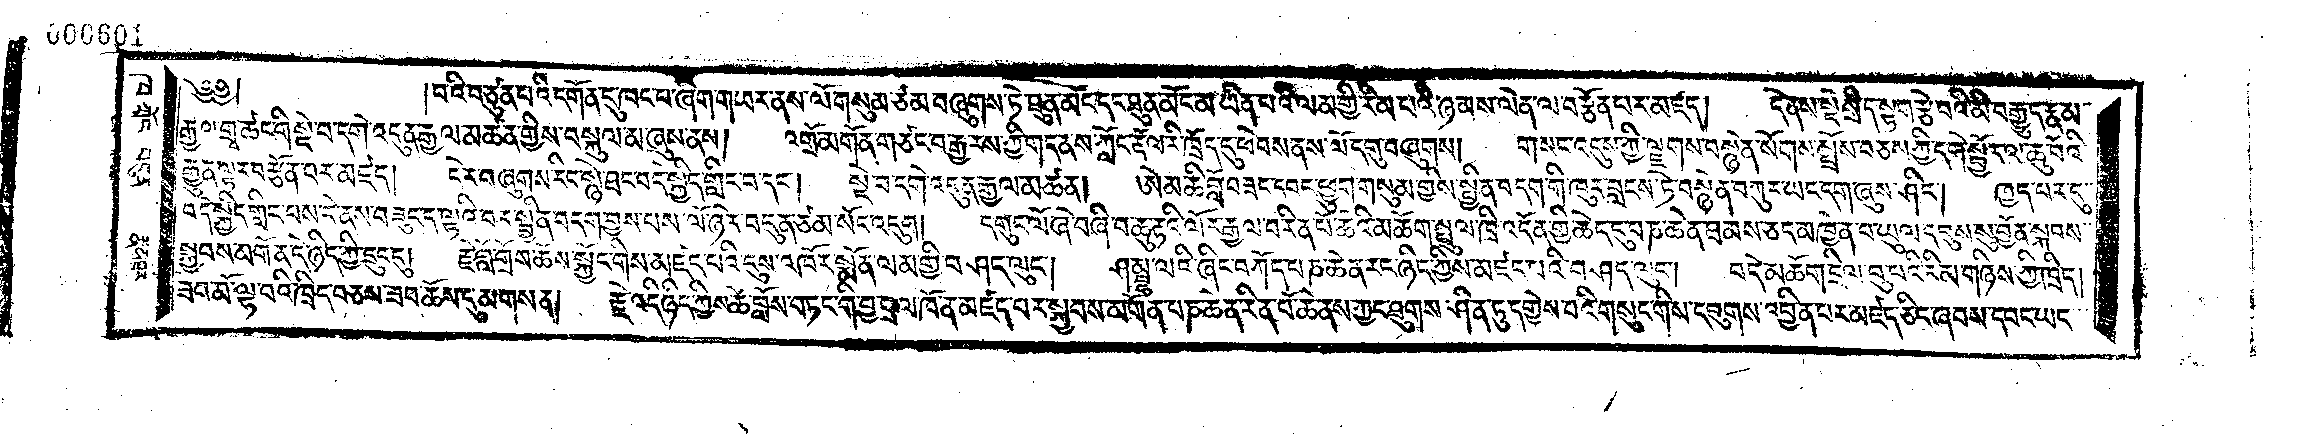༄༅། །པའི་བཙུན་པའི་དགོན་དུ་ཁང་པ་ཞིག་གཡར་ནས་ལོ་གསུམ་ཙམ་བཞུགས་ཏེ་ཐུན་མོང་དང་ཐུན་མོང་མ་ཡིན་པའི་ལམ་གྱི་རིམ་པའི་ཉམས་ལེན་ལ་བརྩོན་པར་མཇེད། དེ་ནས་སྡེ་སྲིད་སྟག་རྩེ་བའི་མི་བརྒྱུད་རྣམ་
རྒྱལ་གྲྭ་ཚང་གི་སྡེ་པ་དགེ་འདུན་རྒྱལ་མཚན་གྱིས་བསྐུལ་མ་ཞུས་ནས། འགྲོ་མགོན་གཙང་པ་རྒྱ་རས་ཀྱི་གདན་ས་ཀློང་རྡོལ་རི་ཁྲོད་དུ་ཕེབས་ནས་ལོ་དགུ་བཞུགས། གསང་འདུས་ཀྱི་ལྗགས་བསྙེན་སོགས་སྤྲོས་བཅས་ཀྱི་དགེ་སྦྱོར་ལ་ཆུ་བོའི་
རྒྱུན་ལྟར་བརྩོན་པར་མཛད། དེར་བཞུགས་རིང་སྙེ་ཐང་བདེ་སྐྱིད་གླིང་པ་དང་། སྡེ་པ་དགེ་འདུན་རྒྱལ་མཚན། ཨེམ་ཆི་བློ་བཟང་དབང་ཕྱུག་གསུམ་གྱིས་སྦྱིན་བདག་གི་ཁྱུར་བླངས་ཏེ་བསྙེན་བཀུར་ཡང་དག་ཞུས་ཤིང་། ཁྱད་བར་དུ་
བདེ་སྐྱིད་གླིང་བས་དེ་ནས་བཟུང་ད་ལྟའི་བར་སྦྱིན་བདག་བྱས་པས་ལོ་ཉེར་བདུན་ཙམ་སོང་འདུག། དགུང་ལོ་ཞེ་བཞི་པ་ཆུ་རྟའི་ལོར་རྒྱལ་བ་རིན་པོ་ཆེའི་མཆོག་སྤྲུལ་ཁྲི་འདོན་གྱི་ཆེད་དུ་པཎ་ཆེན་ཐམས་ཅད་མཁྱེན་པ་ཡུལ་དབུས་སུ་བྱོན་སྐབས་
སྐྱབས་མགོན་དེ་ཉིད་ཀྱི་དྲུང་དུ། རྗེ་བློ་གྲོས་ཆོས་སྐྱོང་གིས་མཛད་པའི་དུས་འཁོར་སྨོན་ལམ་གྱི་བཤད་ལུང་། ཤམྦྷ་ལའི་ཞིང་བཀོད་པཎ་ཆེན་རང་ཉིད་ཀྱིས་མཛད་པའི་བཤད་ལུང་། བདེ་མཆོག་དྲིལ་བུ་པའི་རིམ་གཉིས་ཀྱི་ཁྲིད།
ཟབ་མོ་ལྟ་བའི་ཁྲིད་བཅས་ཟབ་ཆོས་དྲུ་མ་གསན། རྗེ་འདི་ཉིད་ཀྱིས་ཚེ་བློས་བཏང་གི་བྱ་བྲལ་ཁོ་ན་མཛད་པར་སྐྱབས་མགོན་པཎ་ཆེན་རིན་པོ་ཆེ་ནས་ཀྱང་ཐུགས་ཤིན་ཏུ་དགྱེས་པའི་གསུང་གིས་དབུགས་འབྱིན་པར་མཛད་ཅིང་ཞབས་དབང་ཡང་